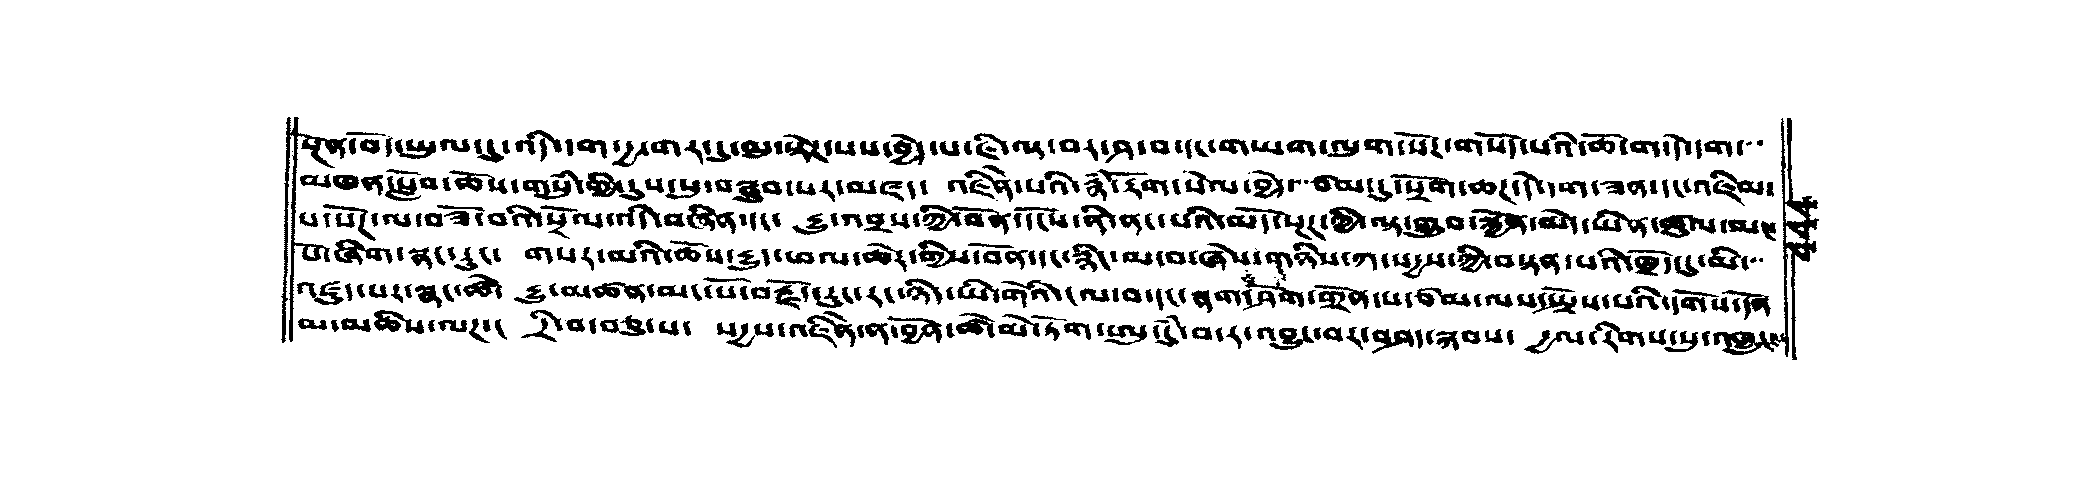སྔོན་བོད་ཡུལ་དུ་འདི་དག་རྒྱ་གར་དུ་མུ་སྟེགས་པས་བྱེད་པ་ཇི་ལྟ་བར་ཤ་བ་དང་གཡག་ལུག་སོགས་གསོད་པའི་ཆོ་ག་དེ་དག་
མཁན་སློབ་ཆོས་གསུམ་གྱི་དུས་སུ་བསྣུབ་པར་མཛད། འཇིག་རྟེན་རྣམ་རྟོག་སེལ་བྱེད་ཙམ་དུ་སྲོག་ཆགས་དེ་དག་ཟན་དང་འཇིམ་
པ་སོགས་ལ་བཟོ་བའི་སྲོལ་འདི་བཞིན་དང་། རྒྱུ་འབྲས་ཀྱི་བོན་དངོས་ནི་ནང་པའི་མདོ་སྔགས་ཀྱི་ལྟ་གྲུབ་སྐྱོན་མེད་ཡིན་ཚུལ་མང་
པོ་ཞིག་སྣང་རུང་། གསར་མའི་ཆོས་རྒྱུད་ཕལ་ཆེར་གྱིས་བོན་དང་། རྙིང་མ་བ་ཞེས་གཉིས་ཀ་སངས་རྒྱས་ཀྱི་བསྟན་པའི་ཁྲོད་དུ་མི་
འཛུད་པར་སྣང་ཚེ། རྒྱུ་མཚན་མང་པོ་བརྗོད་རུང་རང་ཉིད་ཡི་གེའི་ངལ་བ་དང་སྣག་ཤོག་གྲོན་པ་ཙམ་ལས་སྤྲོས་པའི་དགོས་དོན་
མ་མཆིས་ལགས། དྲི་བ་བཅུ་པ། སངས་རྒྱས་འཇིག་རྟེན་ན་བྱོན་ཚེ་མེ་ཏོག་ཨུ་དུམ་ཝ་ར་འབྱུང་བར་བཤད་སྐབས། རྒྱལ་རིགས་སུ་འཁྲུངས་